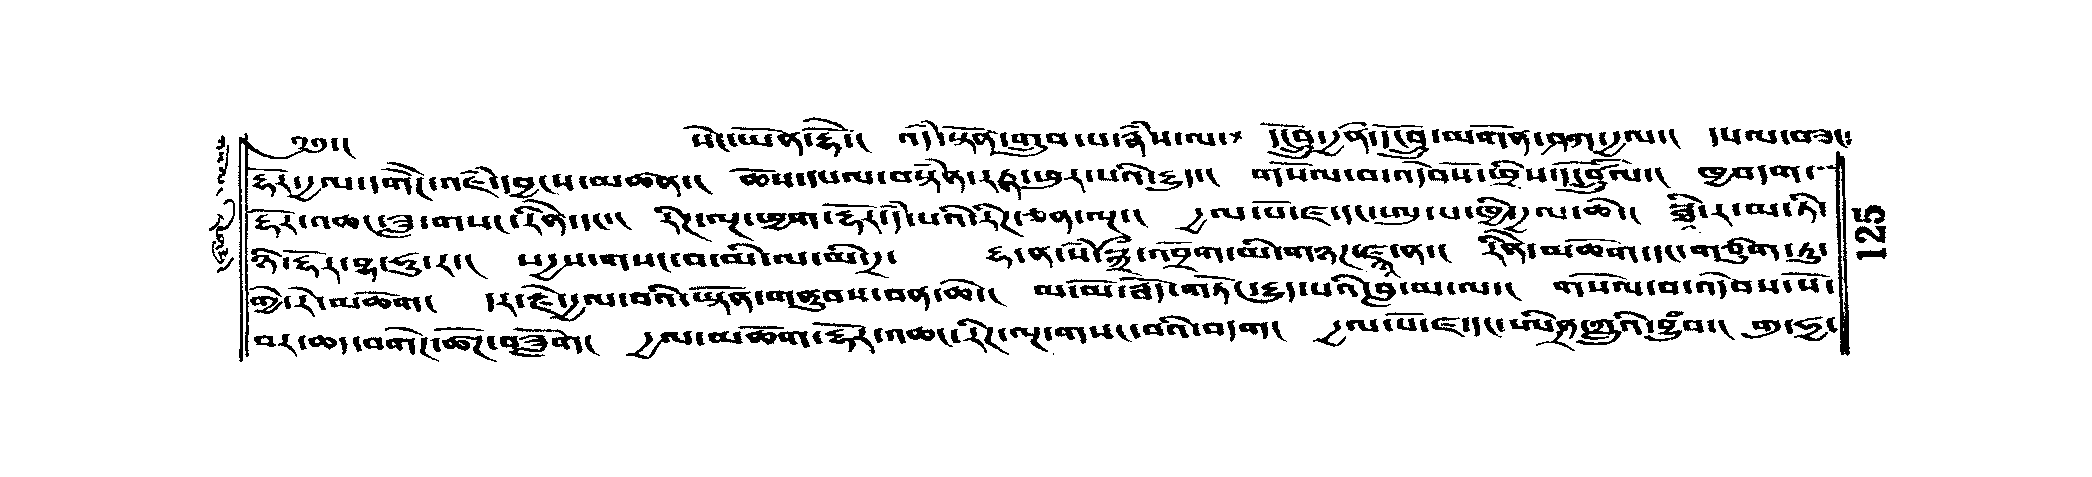སེང་ཡོན་རྡོ་རྗེ། །འདམ་སྟོན་གྲུབ་པ་རྣམས་ལ༴ །དངོས་གྲུབ་རྒྱལ་མཚན་དངོས་གྲུབ་མགོན་ཤཱཀ་རྒྱལ། །དཔལ་བཟང་
རྡོར་རྒྱལ་དགེ་ལེགས་འཇམ་དབྱངས་མཚན། །ཆོས་དཔལ་བསམ་གཏན་རཏྣ་ཕུར་པའི་རྒྱུད། །གསོལ་བ་འདེབས་སོ་ཕྲིན་ལས་དངོས་གྲུབ་སྩོལ། །ཁྱབ་བདག་
རྡོར་འཆང་ཟླ་གསང་རིན་ཆེན་དང་། །རིགས་ལྔ་ཕྱག་རྡོར་དམ་པའི་རིགས་ཅན་ལྔ། །རྒྱལ་པོ་ཛ་དང་ཨུ་པ་ཁྱི་རྒྱལ་ཆེ། །སྠཱི་ར་མ་ཏི་
ཉི་རྡོར་བྷ་ཧུ་ར། །སངས་རྒྱས་གསང་བ་བི་མཱ་མི་ཏྲ། །དྷ་ན་སམ་སྐྲྀ་འབྲོག་མི་གཉགས་ཛྙཱ་ན། །རིན་ཆེན་མཆོག་དང་གཙུག་ཏུ་
གྱེ་རེ་མཆོག །དར་རྗེ་རྒྱལ་བའི་ཡོན་ཏན་གནུབས་བན་ཆེ། །མ་མོ་རྦོད་གཏོང་རྒྱུད་པའི་བླ་མ་ལ། །གསོལ་བ་འདེབས་སོ་
བར་ཆད་བགེགས་ཚོགས་བཟློག །རྒྱལ་མཆོག་རྡོར་འཆང་རིགས་ལྔ་གསང་བའི་བདག །རྒྱལ་པོ་ཛ་དང་ཨིནྡྲ་ཀླུའི་བྱང་ཆུབ། །གུ་ཧྱ་